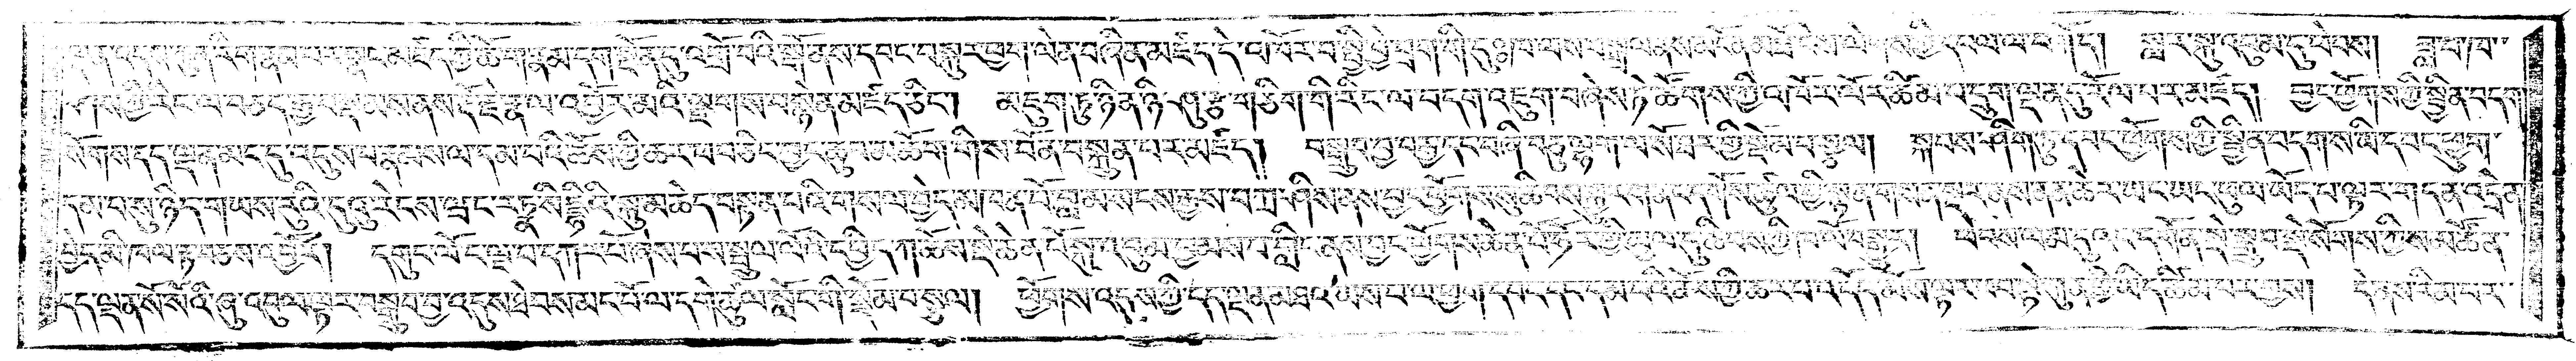ལྡན་འདས་ཀུན་རིག་རྣམ་པར་སྣང་མཛད་ཀྱི་ཆོ་ག་རྣམ་དག་སྔོན་དུ་འགྲོ་བའི་སྒོ་ནས་དབང་བསྐུར་ཕྱག་ལེན་བཞིན་མཛད་དེ་འཁོར་བ་སྤྱི་བྱེ་བྲག་གི་དུཿཁ་ལས་བསྒྲལ་ནས་མངོན་མཐོ་ངེས་ལེགས་ཀྱི་དཔལ་ལ་བཀོད། སླར་སྐུ་འབུམ་དུ་ཕེབས། ཟླ་བ་ཁ་
ཤས་ཀྱི་རིང་ལ་བཅད་རྒྱ་བསྡམས་ནས་རྡོ་རྗེ་རྣལ་འབྱོར་མའི་ལྫགས་བསྙེན་མཛད་ཅིང་། མཇུག་ཏུ་ཉིན་ཉི་ཤུ་རྩ་གཅིག་གི་རིང་ལ་བདག་འཇུག་བཞེས་ཏེ་ཚོགས་ཀྱི་འཁོར་ལོར་ཚིམ་པ་དྲུག་ལྡན་དུ་རོལ་པར་མཛད། བྱང་ཕྱོགས་ཀྱི་སྦྱིན་བདག་
སོགས་དད་ལྡན་མང་དུ་འདུས་པ་རྣམས་ལ་དམ་པའི་ཆོས་ཀྱི་ཆར་ཕབ་ཅིང་བྱང་ཆུབ་མཆོག་གིས་བོན་བསྐྲུན་པར་མཛད། བསྒྲུབ་བྱ་བརྒྱ་དང་བཞི་བཅུ་ལྷག་ལ་སོ་ཐར་གྱི་སྡོམ་པ་སྩལ། སྐབས་ཤིག་ཏུ་དབང་ཕྱོགས་ཀྱི་སྦྱིན་བདག་ས་ཡི་དབང་ཕྱུག་
དམ་པ་སུ་ཉིད་གཡས་རུའི་དུའུ་རེངས་ཝང་རཏྣ་སིདྡྷིའི་སྐུ་མཆེད་བསྟན་པའི་གསལ་བྱེད་མཁན་བོ་བླ་མ་སངས་རྒྱས་བཀྲ་ཤིས་ནས་བྱང་ཕྱོགས་སུ་ཆིབས་སྒྱུར་གནང་དགོས་ཚུལ་གྱི་སྙན་གསན་སྔར་ནས་ནན་ཆེར་ཡང་ཡང་ཕུལ་ཡོད་པ་ལྟར་གདན་འདྲེན་
བྱེད་མི་ཁལ་རྟ་བཅས་འབྱོར། དགུང་ལོང་ལྔ་པ་དཀར་པོ་ཞེས་པས་སྦྲུལ་ལོའི་དཔྱིད་ཀ་ཆོས་སྡེ་ཆེན་པོ་སྐུ་འབུམ་བྱམས་པ་གླིང་ནས་བྱང་ཕྱོགས་ཆེན་པོ་ཧོར་གྱི་ཡུལ་དུ་ཆིབས་ཀྱི་ཁ་ལོ་བསྒྱུར། ཕེབས་ལམ་དུའང་དགོན་སྡེ་སྒྲུབ་སྡེ་སོགས་ཀྱིས་མཚོན་
དད་ལྡན་སོ་སོའི་ཞུ་འབུལ་ལྟར་བསྒྲུབ་བྱ་འདུས་ཐེབས་མང་པོ་ལ་དགེ་ཚུལ་སློང་གི་སྡོམ་པ་སྩལ། ཕྱོགས་འདུས་ཀྱི་དད་ལྡན་མཐའ་ཡས་པ་ལ་ཕྱག་དབང་དང་དམ་པའི་ཆོས་ཀྱི་ཆར་པ་འདོད་མོས་ལྟར་ཕབ་སྟེ་ཀུན་གྱི་ཡིད་ཚིམ་པར་བྱས། དེ་ནས་རིམ་པར་